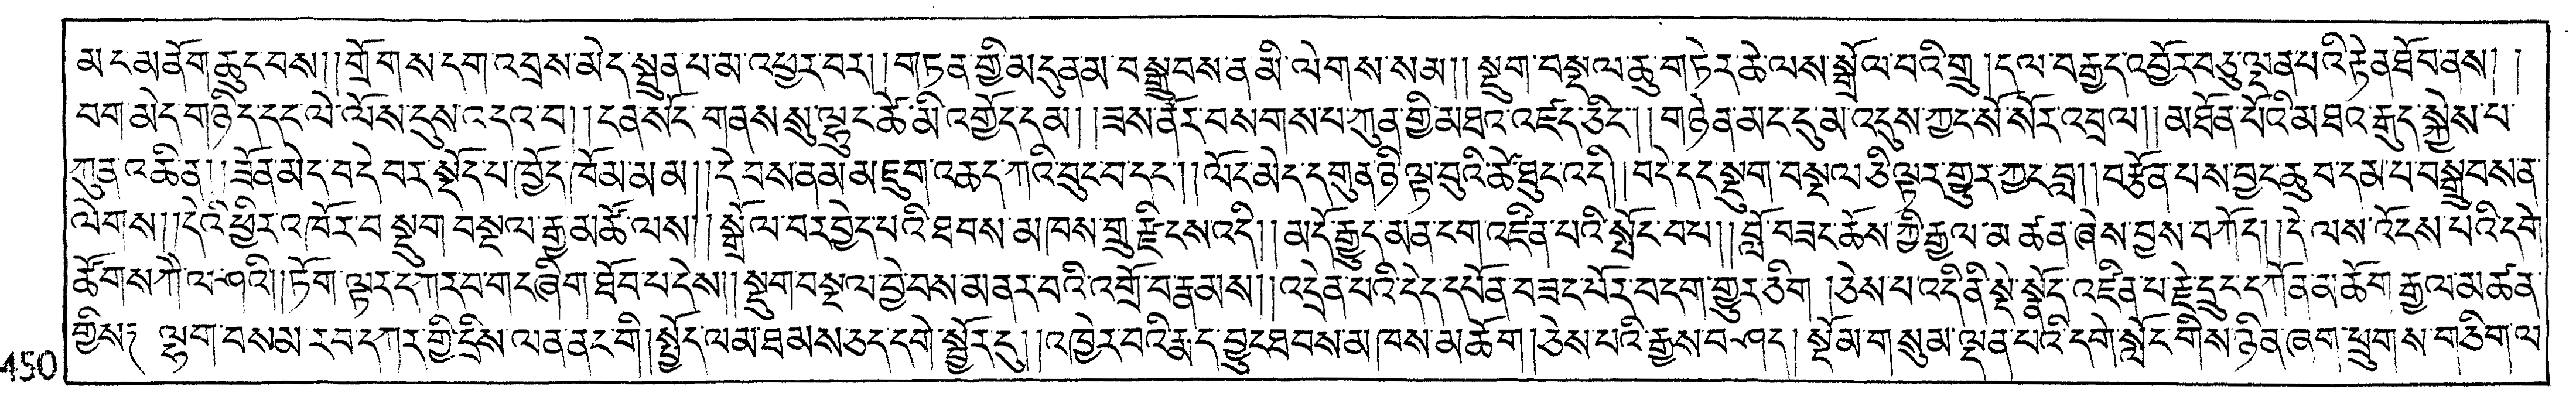མང་མནོག་ཆུང་བས། །གྲོགས་དག་འབྲས་མེད་སྦུན་པ་མ་འཕྱར་བར། །གཏན་གྱི་མདུན་མ་བསྒྲུབས་ན་མི་ལེགས་སམ། །སྡུག་བསྔལ་ཆུ་གཏེར་ཆེ་ལས་སྒྲོལ་བའི་གྲུ་།དལ་བརྒྱད་འབྱོར་བཅུ་ལྡན་པའི་རྟེན་ཐོབ་ནས། །
བག་མེད་གཉིད་དང་ལེ་ལོས་དུས་འདའ་བ། །ངན་སོང་གནས་སུ་ལྷུང་ཚེ་མི་འགྱོད་དམ། །ཟས་ནོར་བསགས་པ་ཀུན་གྱི་མཐའ་འཛད་ཅིང་། །གཉེན་མང་དུ་མ་འདུས་ཀྱང་སོ་སོར་འབྲལ། །མཐོན་པོའི་མཐའ་རྒུད་སྐྱེས་པ་
ཀུན་འཆི་ན། །ཟོན་མེད་བདེ་བར་སྡོད་པ་ཁྱོད་ཁོམ་མམ། །དེ་བས་ནམ་མཇུག་འཆད་ཀའི་བུང་བ་དང་། །ལོང་མེད་དགུན་ཉི་ལྟ་བུའི་ཚེ་ཐུང་འདི། །བདེ་དང་སྡུག་བསྔལ་ཅི་ལྟར་གྱུར་ཀྱང་བླ། །བརྩོན་པས་བྱང་ཆུབ་དམ་པ་བསྒྲུབས་ན་
ལེགས། །དེའི་ཕྱིར་འཁོར་བ་སྡུག་བསྔལ་རྒྱ་མཚོ་ལས། །སྒྲོལ་བར་བྱེད་པའི་ཐབས་མཁས་གྲུ་རྫིངས་འདི། །མདོ་རྒྱུད་མན་ངག་འཛིན་པའི་སྤོང་བ་པ། །བློ་བཟང་ཆོས་ཀྱི་རྒྱལ་མཚན་ཞེས་བྱས་བཀོད། །དེ་ལས་འོངས་པའི་དགེ་
ཚོགས་ཀཻ་ལ་ཤའི། །ཏོག་ལྟར་དཀར་བ་གང་ཞིག་ཐོབ་པ་དེས། །སྡུག་བསྔལ་བྱེ་བས་མནར་བའི་འགྲོ་བ་རྣམས། །འདྲེན་པའི་དེད་དཔོན་བཟང་པོར་བདག་གྱུར་ཅིག །ཅེས་པ་འདི་ནི་སྡེ་སྣོད་འཛིན་པ་རྗེ་དྲུང་དཀོན་མཆོག་རྒྱལ་མཚན་
གྱིས༑ ལྷག་བསམ་རབ་དཀར་གྱི་དྲིས་ལན་ནང་གི །སྤྱོད་ལམ་ཐམས་ཅད་དགེ་སྦྱོར་དུ། །འཁྱེར་བའི་རྨད་བྱུང་ཐབས་མཁས་མཆོག །ཅེས་པའི་རྒྱས་བཤད། སྡོམ་གསུམ་ལྡན་པའི་དགེ་སློང་གིས་ཉིན་ཞག་ཕྲུགས་གཅིག་ལ་